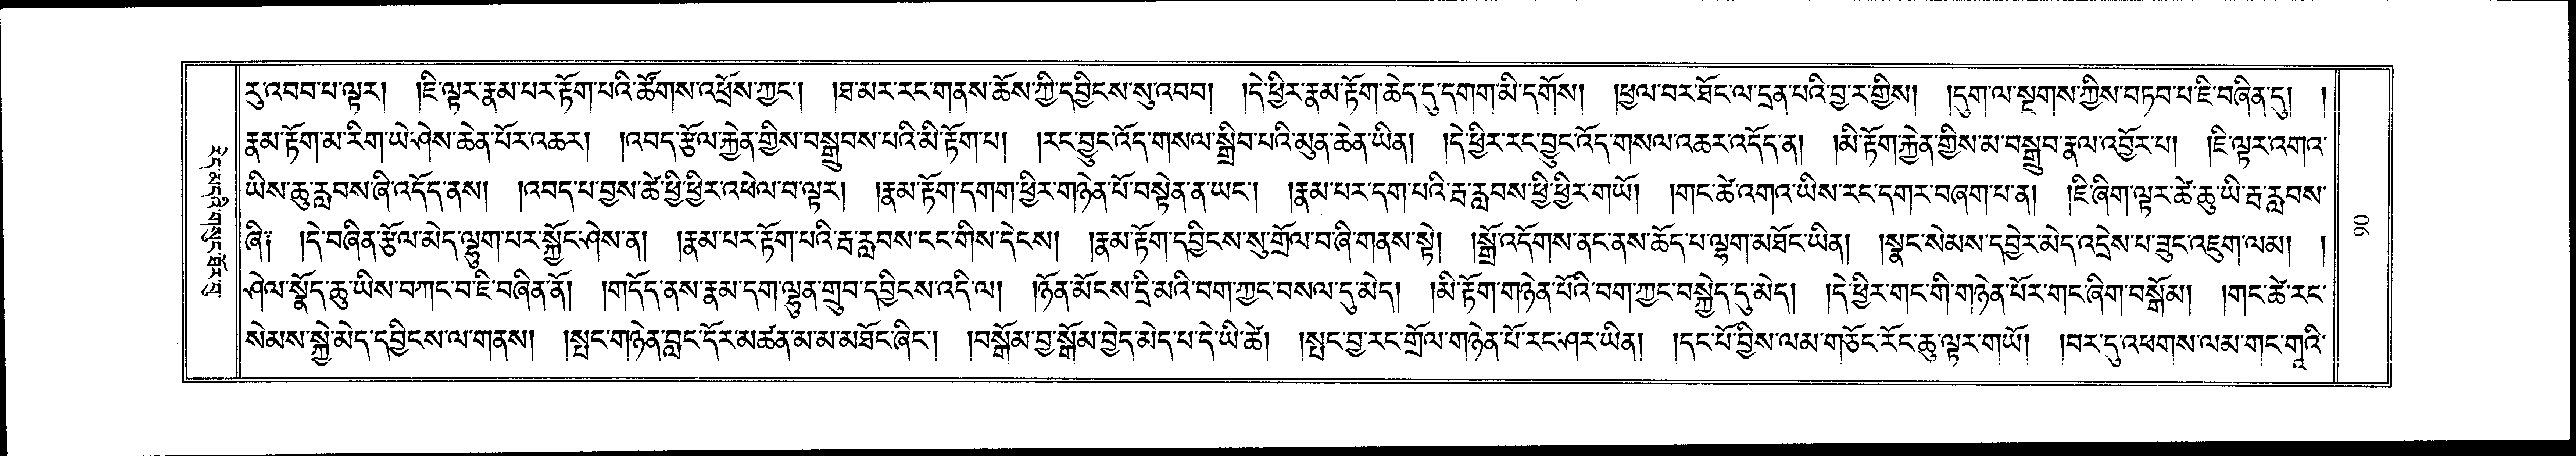རུ་འབབ་པ་ལྟར། །ཇི་ལྟར་རྣམ་པར་རྟོག་པའི་ཚོགས་འཕྲོས་ཀྱང་། །ཐ་མར་རང་གནས་ཆོས་ཀྱི་དབྱིངས་སུ་འབབ། །དེ་ཕྱིར་རྣམ་རྟོག་ཆེད་དུ་དགག་མི་དགོས། །ཕྱལ་བར་ཐོང་ལ་དྲན་པའི་བྱ་ར་གྱིས། །དུག་ལ་སྔགས་ཀྱིས་བཏབ་པ་ཇི་བཞིན་དུ། །
རྣམ་རྟོག་མ་རིག་ཡེ་ཤེས་ཆེན་པོར་འཆར། །འབད་རྩོལ་རྐྱེན་གྱིས་བསྒྲུབས་པའི་མི་རྟོག་པ། །རང་བྱུང་འོད་གསལ་སྒྲིབ་པའི་མུན་ཆེན་ཡིན། །དེ་ཕྱིར་རང་བྱུང་འོད་གསལ་འཆར་འདོད་ན། །མི་རྟོག་རྐྱེན་གྱིས་མ་བསྒྲུབ་རྣལ་འབྱོར་པ། །ཇི་ལྟར་འགའ་
ཡིས་ཆུ་རླབས་ཞི་འདོད་ནས། །འབད་པ་བྱས་ཚེ་ཕྱི་ཕྱིར་འཕེལ་བ་ལྟར། །རྣམ་རྟོག་དགག་ཕྱིར་གཉེན་པོ་བསྟེན་ན་ཡང་། །རྣམ་པར་དག་པའི་རྦ་རླབས་ཕྱི་ཕྱིར་གཡོ། །གང་ཚེ་འགའ་ཡིས་རང་དགར་བཞག་པ་ན། །ཇི་ཞིག་ལྟར་ཚེ་ཆུ་ཡི་རྦ་རླབས་
ཞི། །དེ་བཞིན་རྩོལ་མེད་ལྷུག་པར་སྐྱོང་ཤེས་ན། །རྣམ་པར་རྟོག་པའི་རྦ་རླབས་ངང་གིས་དེངས། །རྣམ་རྟོག་དབྱིངས་སུ་གྲོལ་བ་ཞི་གནས་སྟེ། །སྒྲོ་འདོགས་ནང་ནས་ཆོད་པ་ལྷག་མཐོང་ཡིན། །སྣང་སེམས་དབྱེར་མེད་འདྲེས་པ་ཟུང་འཇུག་ལམ། །
ཤེལ་སྣོད་ཆུ་ཡིས་བཀང་བ་ཇི་བཞིན་ནོ། །གདོད་ནས་རྣམ་དག་ལྷུན་གྲུབ་དབྱིངས་འདི་ལ། །ཉོན་མོངས་དྲི་མའི་བག་ཀྱང་བསལ་དུ་མེད། །མི་རྟོག་གཉེན་པོའི་བག་ཀྱང་བསྐྱེད་དུ་མེད། །དེ་ཕྱིར་གང་གི་གཉེན་པོར་གང་ཞིག་བསྒོམ། །གང་ཚེ་རང་
སེམས་སྐྱེ་མེད་དབྱིངས་ལ་གནས། །སྤང་གཉེན་བླང་དོར་མཚན་མ་མ་མཐོང་ཞིང་། །བསྒོམ་བྱ་སྒོམ་བྱེད་མེད་པ་དེ་ཡི་ཚེ། །སྤང་བྱ་རང་གྲོལ་གཉེན་པོ་རང་ཤར་ཡིན། །དང་པོ་བྱིས་ལམ་གཅོང་རོང་ཆུ་ལྟར་གཡོ། །བར་དུ་འཕགས་ལམ་གང་གཱའི་